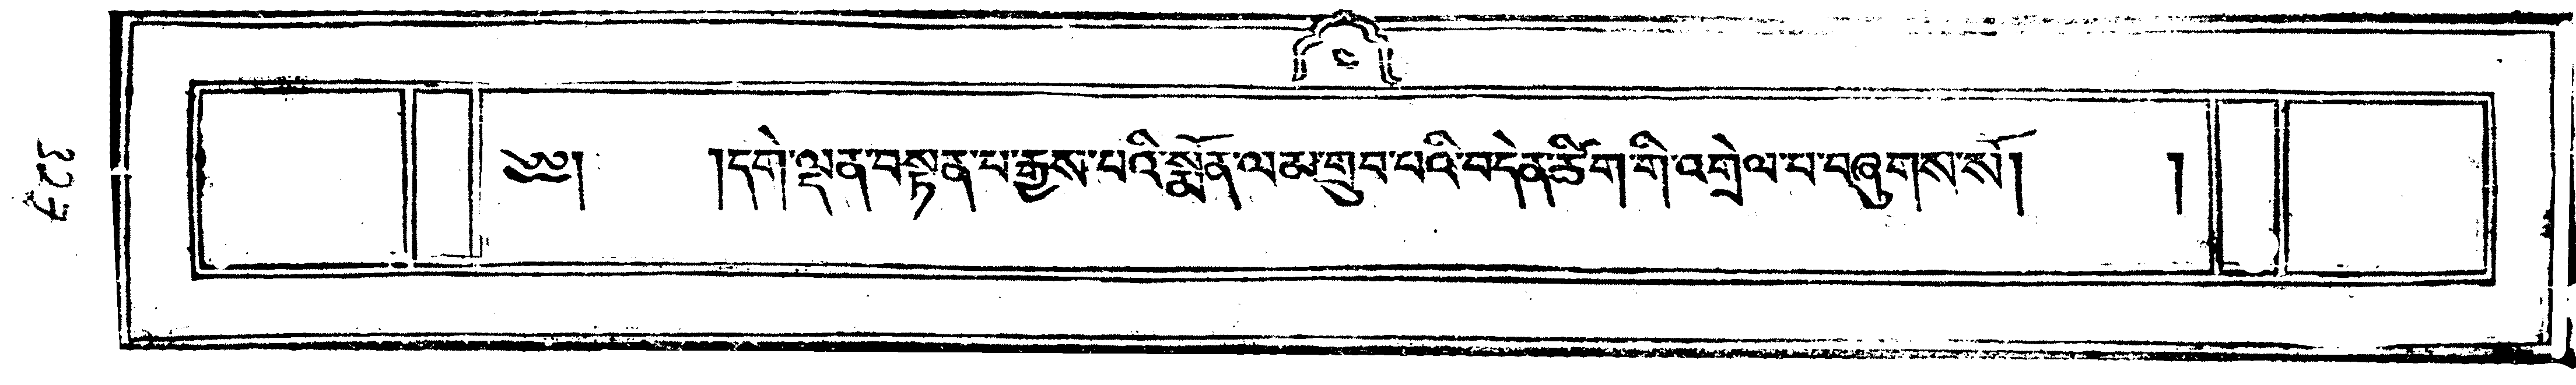༄༅། །དགེ་ལྡན་བསྟན་པ་རྒྱས་པའི་སྨོན་ལམ་གྲུབ་པའི་བདེན་ཚིག་གི་འགྲེལ་པ་བཞུགས་སོ། །